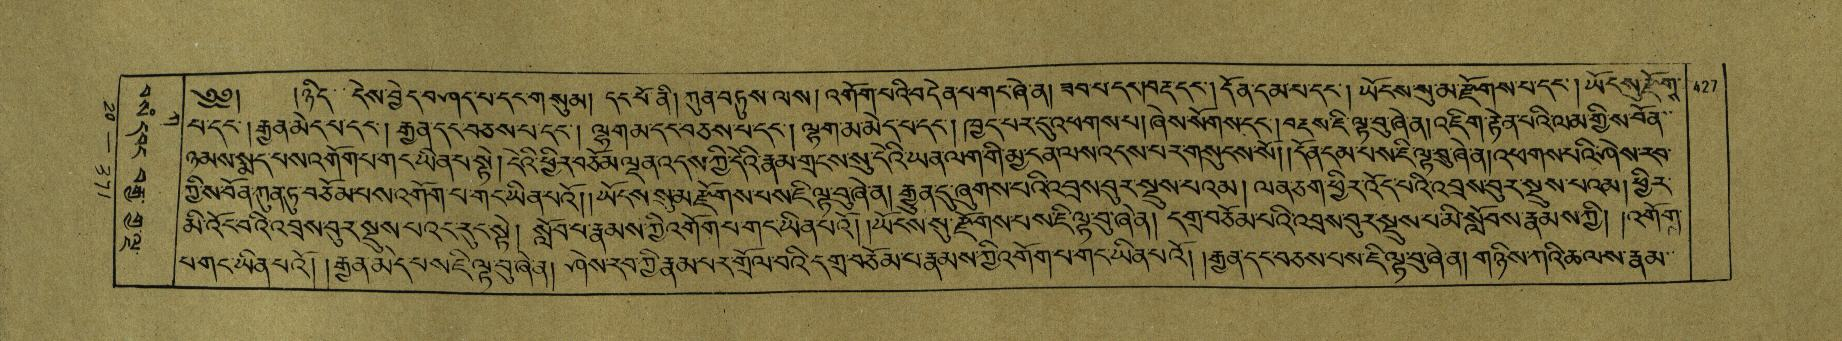༄༅། །ཉིད་དེས་བྱེད་བཤད་པ་དང་གསུམ། དང་པོ་ནི། ཀུན་བཏུས་ལས། འགོག་པའི་བདེན་པ་གང་ཞེ་ན། ཟབ་པ་དང་། བརྡ་དང་། དོན་དམ་པ་དང་། ཡོངས་སུ་མ་རྫོགས་པ་དང་། ཡོངས་སུ་རྫོགས་
པ་དང་། རྒྱན་མེད་པ་དང་། རྒྱན་དང་བཅས་པ་དང་། ལྷག་མ་དང་བཅས་པ་དང་། ལྷག་མ་མེད་པ་དང་། ཁྱད་པར་དུ་འཕགས་པ། ཞེས་སོགས་དང་། བརྡས་ཇི་ལྟ་བུ་ཞེ་ན། འཇིག་རྟེན་པའི་ལམ་གྱི་ས་བོན་
ཉམས་སྨད་པས་འགོག་པ་གང་ཡིན་པ་སྟེ། དེའི་ཕྱིར་བཅོམ་ལྡན་འདས་ཀྱི་དེའི་རྣམ་གྲངས་སུ་དེའི་ཡན་ལག་གི་མྱ་ངན་ལས་འདས་པར་གསུངས་སོ། །དོན་དམ་པས་ཇི་ལྟ་བུ་ཞེ་ན། འཕགས་པའི་ཤེས་རབ་
ཀྱི་ས་བོན་ཀུན་ཏུ་བཅོམ་པས་འགོག་པ་གང་ཡིན་པའོ། །ཡོངས་སུ་མ་རྫོགས་པས་ཇི་ལྟ་བུ་ཞེ་ན། རྒྱུན་དུ་ཞུགས་པའི་འབྲས་བུར་སྡུས་པའམ། ལན་ཅག་ཕྱིར་འོད་པའི་འབྲས་བུར་སྡུས་པའམ། ཕྱིར་
མི་འོང་བའི་འབྲས་བུར་སྡུས་པའང་རུང་སྟེ། སློབ་པ་རྣམས་ཀྱི་འགོག་པ་གང་ཡིན་པའོ། །ཡོངས་སུ་རྫོགས་པས་ཇི་ལྟ་བུ་ཞེ་ན། དགྲ་བཅོམ་པའི་འབྲས་བུར་སྡུས་པ་མི་སློབས་རྣམས་ཀྱི། །འགོག་
པ་གང་ཡིན་པའོ། །རྒྱན་མེད་པས་ཇི་ལྟ་བུ་ཞེ་ན། ཤེས་རབ་ཀྱི་རྣམ་པར་གྲོལ་བའི་དགྲ་བཅོམ་པ་རྣམས་ཀྱི་འགོག་པ་གང་ཡིན་པའོ། །རྒྱན་དང་བཅས་པས་ཇི་ལྟ་བུ་ཞེ་ན། གཉིས་ཀའི་ཆ་ལས་རྣམ་